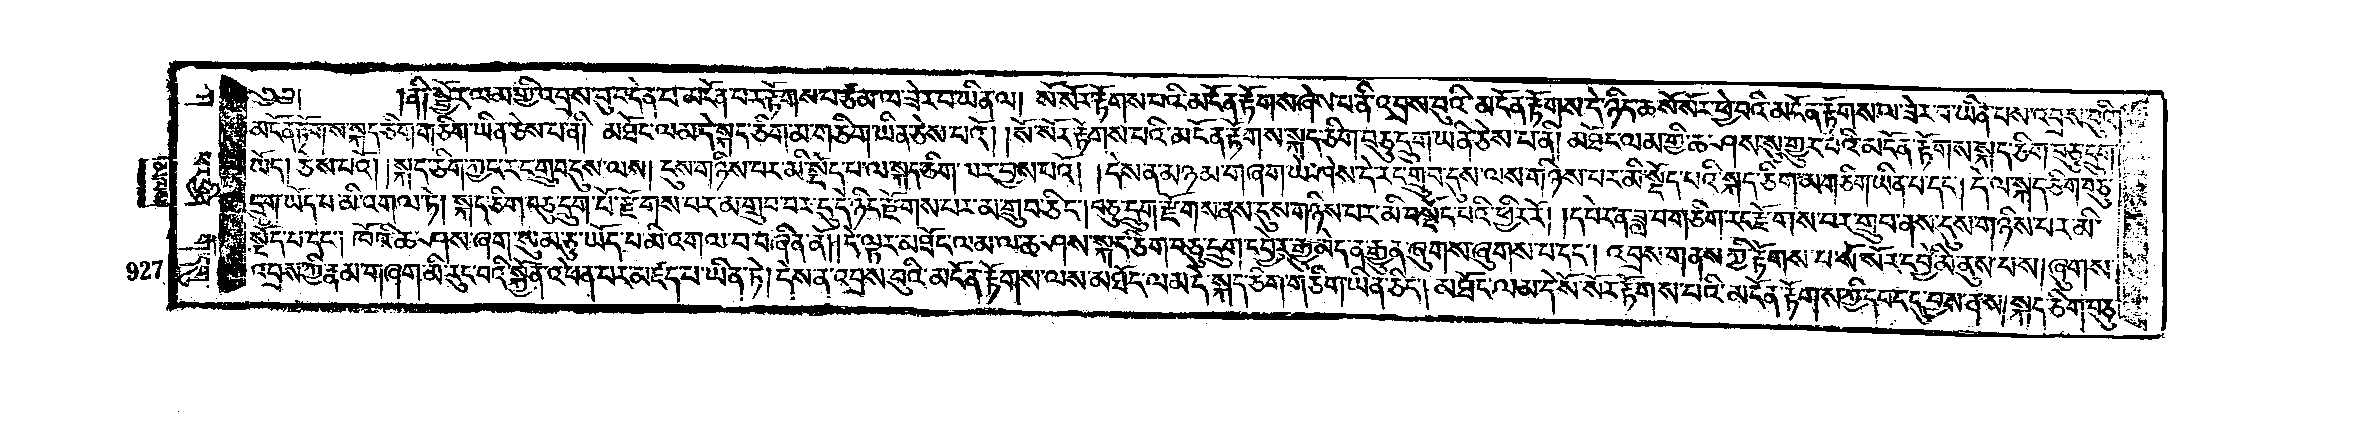༄༅། །ནི། སྦྱོར་ལམ་གྱི་འབྲས་བུ་བདེན་པ་མངོན་པར་རྟོགས་པ་ཙམ་ལ་ཟེར་བ་ཡིན་ལ། སོ་སོར་རྟོགས་པའི་མངོན་རྟོགས་ཞེས་པ་ནི་འབྲས་བུའི་མངོན་རྟོགས་དེ་ཉིད་ཆ་སོ་སོར་ཕྱེ་བའི་མངོན་རྟོགས་ལ་ཟེར་བ་ཡིན་པས་འབྲས་བུའི་
མངོན་རྟོགས་སྐད་ཅིག་གཅིག་ཡིན་ཅེས་པ་ནི། མཐོང་ལམ་དེ་སྐད་ཅིག་མ་གཅིག་ཡིན་ཅེས་པའོ། །སོ་སོར་རྟོགས་པའི་མངོན་རྟོགས་སྐད་ཅིག་བཅུ་དྲུག་ཡིན་ཅེས་པ་ནི། མཐོང་ལམ་གྱི་ཆ་ཤས་སུ་གྱུར་པའི་མངོན་རྟོགས་སྐད་ཅིག་བཅུ་དྲུག་
ཡོད། ཅེས་པའོ། །སྐད་ཅིག་ཀྱང་རང་གྲུབ་དུས་ལས། དུས་གཉིས་པར་མི་སྡོད་པ་ལ་སྐད་ཅིག་པར་བྱས་པའོ། །དེས་ན་མཉམ་གཞག་ཡེ་ཤེས་དེ་རང་གྲུབ་དུས་ལས་གཉིས་པར་མི་སྡོད་པའི་སྐད་ཅིག་མ་གཅིག་ཡིན་པ་དང་། དེ་ལ་སྐད་ཅིག་བཅུ་
དྲུག་ཡོད་པ་མི་འགལ་ཏེ། སྐད་ཅིག་བཅུ་དྲུག་པོ་རྫོགས་པར་མ་གྲུབ་པར་དུ་དེ་ཉིད་རྫོགས་པར་མ་གྲུབ་ཅིང་། བཅུ་དྲུག་རྫོགས་ནས་དུས་གཉིས་པར་མི་བསྡོད་པའི་ཕྱིར་རོ། །དཔེར་ན་ཟླ་བ་གཅིག་རང་རྫོགས་པར་གྲུབ་ནས་དུས་གཉིས་པར་མི་
སྡོད་པ་དང་། ཁོའི་ཆ་ཤས་ཞག་སུམ་ཅུ་ཡོད་པ་མི་འགལ་བ་བཞིན་ནོ། །དེ་ལྟར་མཐོང་ལམ་ལ་ཆ་ཤས་སྐད་ཅིག་བཅུ་དྲུག་དབྱེར་རྒྱུ་མེད་ན་རྒྱུན་ཞུགས་ཞུགས་པ་དང་། འབྲས་གནས་ཀྱི་རྟོགས་པ་སོ་སོར་དབྱེ་མི་ནུས་པས། ཞུགས་
འབྲས་ཀྱི་རྣམ་གཞག་མི་རུང་བའི་སྐྱོན་འཕེན་པར་མཛད་པ་ཡིན་ཏེ། དེས་ན་འབྲས་བུའི་མངོན་རྟོགས་ལས་མཐོང་ལམ་དེ་སྐད་ཅིག་གཅིག་ཡིན་ཅིང་། མཐོང་ལམ་དེ་སོ་སོར་རྟོགས་པའི་མངོན་རྟོགས་ཀྱི་དབང་དུ་བྱས་ནས། སྐད་ཅིག་བཅུ་